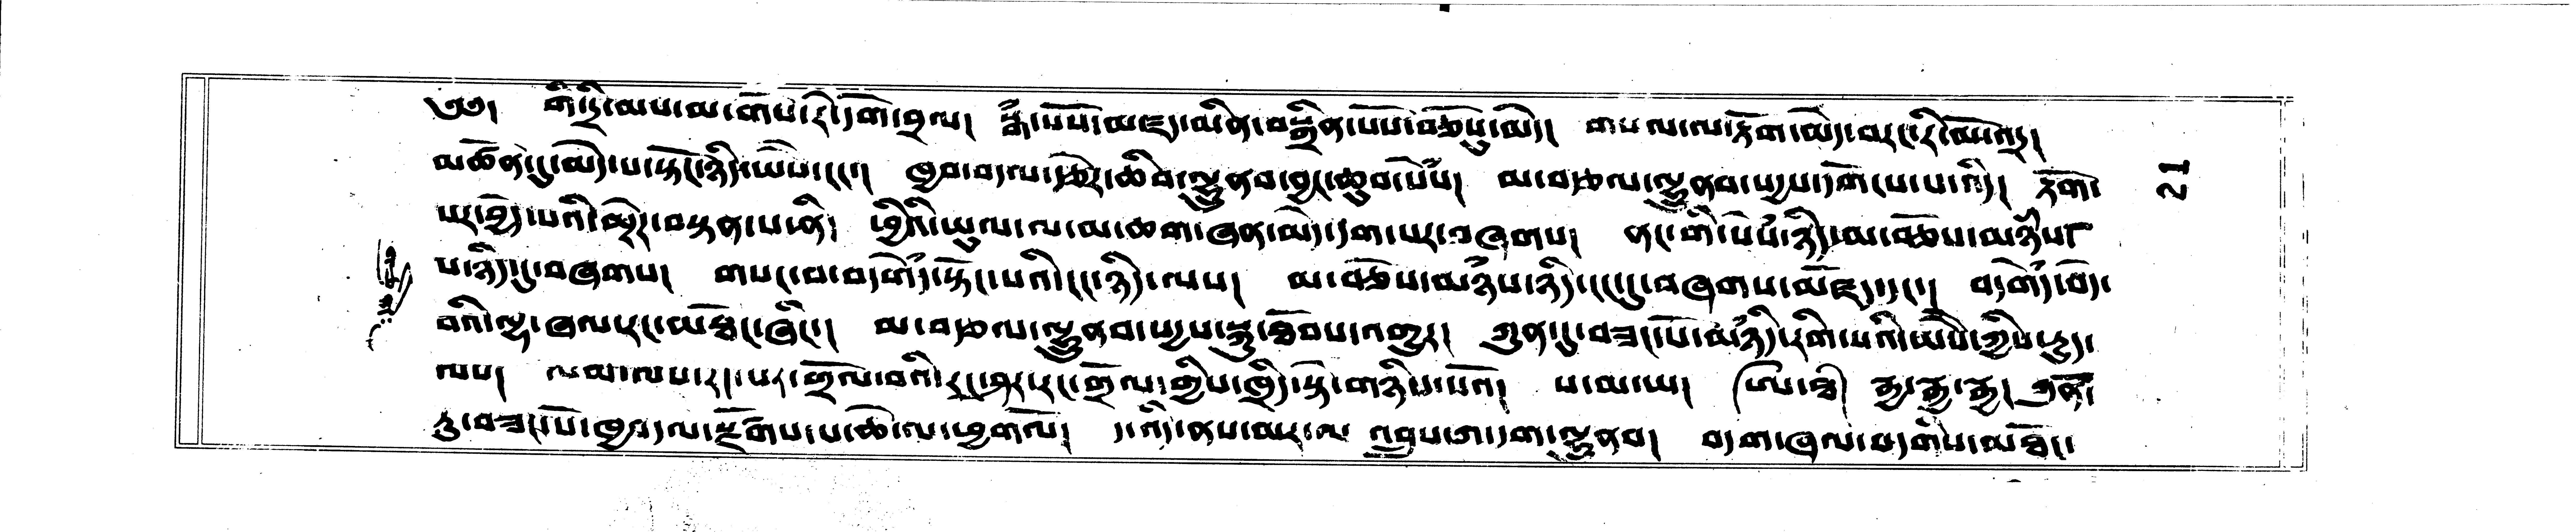གང་གི་དྲི་མས་མ་གོས་རེ་དྭོགས་བྲལ། སྒམ་པོས་མཛད་མིན་སྒྲིན་པོས་བཅོས་སུ་མེད། གསལ་ལ་རྟོག་མེད་བར་སྣང་རི་མོ་འདྲ། 
མཚོན་དུ་མེད་པ་སྟོང་ཉིད་ཡེ་ཤེས་ངང་། ཁྱབ་བདལ་རྩེར་ཆིབས་ལྷུན་གྲུབ་བྱང་ཆུབ་སེམས། མ་བརྩལ་ལྷུན་གྲུབ་སངས་རྒྱས་དགོངས་པ་འདི། རྟོགས་
པར་བྱེད་པའི་མན་ངག་བསྟན་པ་ནི། ཕྱིའི་ཡུལ་ལ་མ་ཆགས་ཞེན་མེད་དག་པར་བཞག ནང་གི་སེམས་ཉིད་མ་བཅོས་མཉམ་
པ་ཉིད་དུ་བཞག གསང་བ་བདག་མེད་སྟོང་པའི་ངང་ཉིད་ལས། མ་བཅོས་མཉམ་ཉིད་ངང་དུ་བཞག་མཛོད་དང་། བདག་མེད་བདེ་
བའི་ལྷ་ཞལ་རང་མཐོང་ཞིང་། མ་བརྩལ་ལྷུན་གྲུབ་སངས་རྒྱས་སྐུ་ཐོབ་འགྱུར། ཀུན་ཏུ་བཟང་པོ་མཉམ་ཉིད་རིག་པའི་ཡེ་ཤེས་ཀྱི་རྒྱུད་
ལས། ལམ་ལས་རང་སར་གྲོལ་བའི་རང་ཤར་རང་གྲོལ་གྱི་ཁྲིད་སྟེ་གཉིས་པའོ།། །།ས་མ་ཡ། ༼ཨི་ཐི༽རྒྱ་རྒྱ་རྒྱ། ཀུན་
ཏུ་བཟང་པོ་ཁྱབ་བདལ་རྫོགས་པ་ཆེ་ལ་ཕྱག་འཚལ་ལོ། །ད་འདི་ནས་མར་ལ་འབྲས་བུ་ཀ་དག་ལྷུན་གྲུབ། བདག་ཞལ་བདག་གིས་མཐོང་